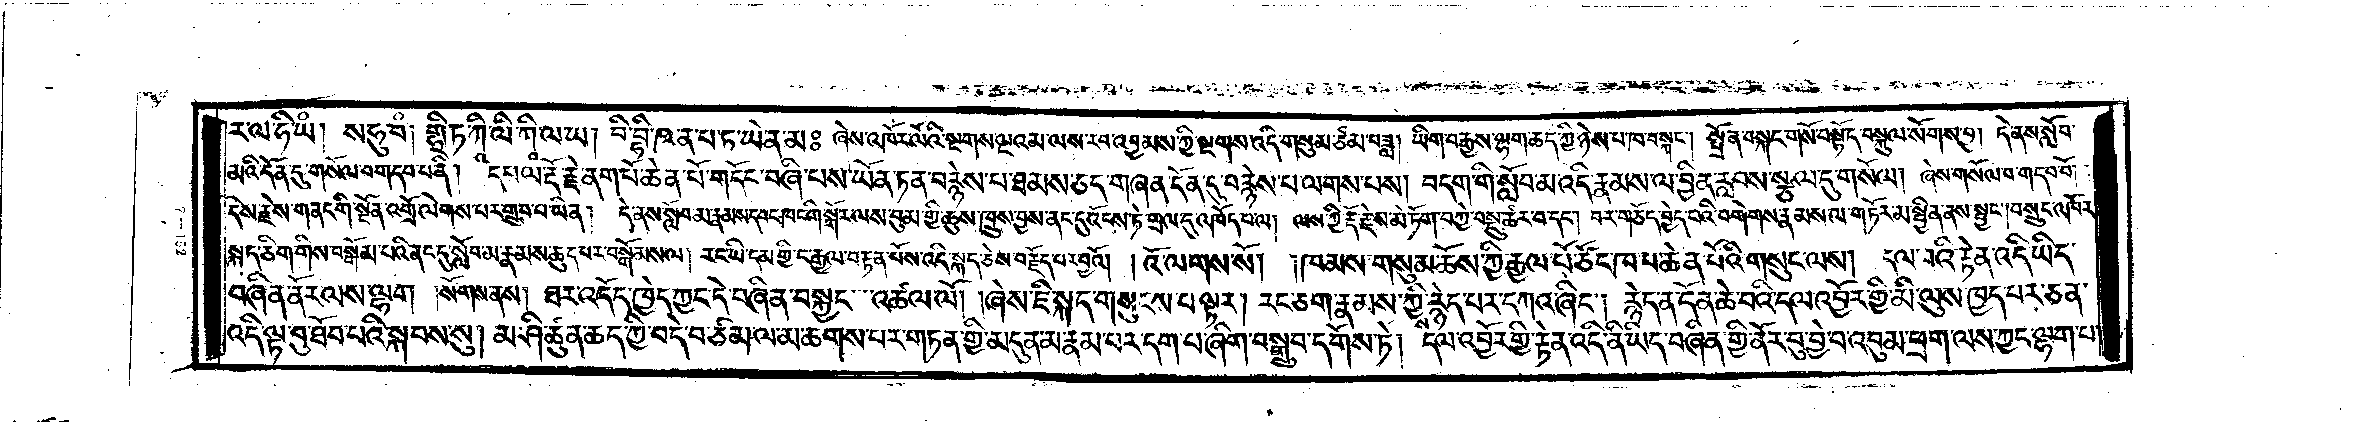?་ལ་ཧི་ཡཾ། ས་ཧུ་བཾ། གྷྲི་ཏ་ཀཱི་ལི་ཀཱི་ལ་ཡ། བི་བྷི་ཥན་པ་ཏ་ཡེན་མཿཞེས་འཁོར་ལོའི་སྔགས་ལྔའམ་ལས་རབ་འབྱམས་ཀྱི་སྔགས་འདི་གསུམ་ཙམ་བཟླ། ཡིག་བརྒྱས་ལྷག་ཆད་ཀྱི་ཉེས་པ་ཁ་བསྐང་། སྤྲོ་ན་བསྐང་གསོ་བསྟོད་བསྐུལ་སོགས་བྱ། དེ་ནས་སློབ་
མའི་དོན་དུ་གསོལ་བ་གདབ་པ་ནི། དཔལ་རྡོ་རྗེ་ནག་པོ་ཆེན་པོ་གདོང་བཞི་པས་ཡོན་ཏན་བརྙེས་བ་ཐམས་ཅད་གཞན་དོན་དུ་བརྙེས་པ་ལགས་པས། བདག་གི་སློབ་མ་འདི་རྣམས་ལ་བྱིན་རླབས་སྩལ་དུ་གསོལ། ཞེས་གསོལ་བ་གདབ་བོ། །
དེས་རྗེས་གནང་གི་སྔོན་འགྲོ་ལེགས་པར་གྲུབ་པ་ཡིན། དེ་ནས་སློབ་མ་རྣམས་དབང་ཁང་གི་སྒོར་ལས་བུམ་གྱི་ཆུས་ཁྲུས་བྱས་ནང་དུ་འོངས་ཏེ་གྲལ་དུ་འཁོད་བ་ལ། ལས་ཀྱི་རྡོ་རྗེས་མེ་ཏོག་བ་ཀྱེ་བསྡུ་ཚར་བ་དང་། བར་གཅོད་བྱེད་པའི་བགེགས་རྣམས་ལ་གཏོར་མ་སྦྱིན་ནས་སྦྱང་། བསྲུང་འཁོར་
སྐད་ཅིག་གིས་བསྒོམ་པའི་ནང་དུ་སློབ་མ་རྣམས་ཆུད་པར་བདོམས་ལ། རང་ཡི་དམ་གྱི་ང་རྒྱལ་བརྟན་པོས་འདི་སྐད་ཅེས་བརྗོད་པར་བྱའོ། །འོ་ལགས་སོ། །ཁམས་གསུམ་ཆོས་ཀྱི་རྒྱལ་པོ་ཙོང་ཁ་པ་ཆེན་པོའི་གསུང་ལས། དལ་བའི་རྟེན་འདི་ཡིད་
བཞིན་ནོར་ལས་ལྷག་།སོགས་ནས།  ཐར་འདོད་ཁྱེད་ཀྱང་དེ་བཞིན་བསྐྱང་འཚལ་ལོ། །ཞེས་ཇི་སྐད་གསུངས་པ་ལྟར། རང་ཅག་རྣམས་ཀྱིས་རྙེད་པར་དཀའ་ཞིང་། རྙེད་ན་དོན་ཆེ་བའི་དལ་འབྱོར་གྱི་མི་ལུས་ཁྱད་པར་ཅན་
འདི་ལྟ་བུ་ཐོབ་པའི་སྐབས་སུ། མ་ཤི་ཚུན་ཆད་ཀྱི་བདེ་བ་ཙམ་ལ་མ་ཆགས་པར་གཏན་གྱི་མདུན་མ་རྣམ་པར་དག་པ་ཞིག་བསྒྲུབ་དགོས་ཏེ། དལ་འབྱོར་གྱི་རྟེན་འདི་ནི་ཡིད་བཞིན་གྱི་ནོར་བུ་བྱེ་བ་འབུམ་ཕྲག་ལས་ཀྱང་ལྷག་པ་